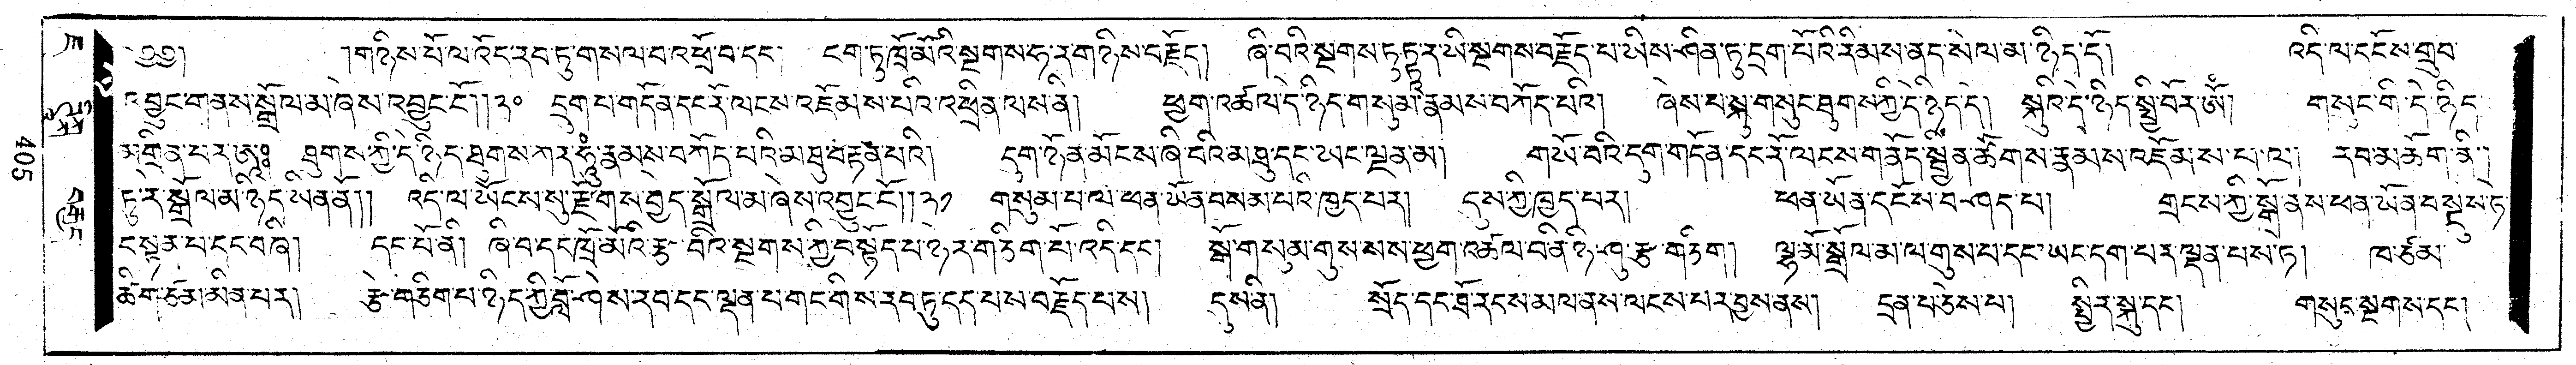༄༅། །གཉིས་པོ་ལ་འོད་རབ་ཏུ་གསལ་བ་འཕྲོ་བ་དང་། ངག་ཏུ་ཁྲོ་མོའི་སྔགས་ཧ་ར་གཉིས་བརྗོད། ཞི་བའི་སྔགས་ཏུ་ཏྟཱ་ར་ཡི་སྔགས་བརྗོད་པ་ཡིས་ཤིན་ཏུ་དྲག་པོའི་རིམས་ནད་སེལ་མ་ཉིད་དོ། འདི་ལ་དངོས་གྲུབ་
འབྱུང་གནས་སྒྲོལ་མ་ཞེས་འབྱུང་ངོ།། ༢༠་དྲུག་པ་གདོན་དང་རོ་ལངས་འཇོམས་པའི་འཕྲིན་ལས་ནི། ཕྱག་འཚལ་དེ་ཉིད་གསུམ་རྣམས་བཀོད་པའི། ཞེས་པ་སྐུ་གསུང་ཐུགས་ཀྱི་དེ་ཉིད་དེ། སྐུའི་དེ་ཉིད་སྤྱི་བོར་ཨོཾ། གསུང་གི་དེ་ཉིད་
མགྲིན་པར་ཨཱཿ ཐུགས་ཀྱི་དེ་ཉིད་ཐུགས་ཀར་ཧཱུཾ་རྣམས་བཀོད་པའི་མཐུ་བརྟན་པའི། དྲུག་ཉོན་མོངས་ཞི་བའི་མཐུ་དང་ཡང་ལྡན་མ། གཡོ་བའི་དུག་གདོན་དང་རོ་ལངས་གནོད་སྦྱིན་ཚོགས་རྣམས་འཇོམས་པ་ལ། རབ་མཆོག་ནི།
ཏུ་ར་སྒྲོལ་མ་ཉིད་ཡིན་ནོ།། འདི་ལ་ཡོངས་སུ་རྫོགས་བྱེད་སྒྲོལ་མ་ཞེས་འབྱུང་ངོ།། ༢༡་གསུམ་པ་ལ་ཕན་ཡོན་བསམ་པའི་ཁྱད་པར། དུས་ཀྱི་ཁྱད་པར། ཕན་ཡོན་དངོས་བཤད་པ། གྲངས་ཀྱི་སྒོ་ནས་ཕན་ཡོན་བསྡུས་ཏེ་
བསྟན་པ་དང་བཞི། དང་པོ་ནི། ཞི་བ་དང་ཁྲོ་མོའི་རྩ་བའི་སྔགས་ཀྱི་བསྟོད་པ་ཉེར་གཅིག་པོ་འདི་དང་། སྒོ་གསུམ་གུས་སས་ཕྱག་འཚལ་བ་ནི་ཉི་ཤུ་རྩ་གཅིག། ལྷ་མོ་སྒྲོལ་མ་ལ་གུས་པ་དང་ཡང་དག་པར་ལྡན་པས་ཏེ། ཁ་ཙམ་
ཚིག་ཙམ་མིན་པར། རྩེ་གཅིག་པ་ཉིད་ཀྱི་བློ་ཤེས་རབ་དང་ལྡན་པ་གང་གིས་རབ་ཏུ་དད་པས་བརྗོད་པས། དུས་ནི། སྲོད་དང་ཐོ་རངས་མལ་ནས་ལངས་པར་བྱས་ནས། དྲན་པ་ཅེས་པ། སྤྱིར་སྐུ་དང་། གསུང་སྔགས་དང་།